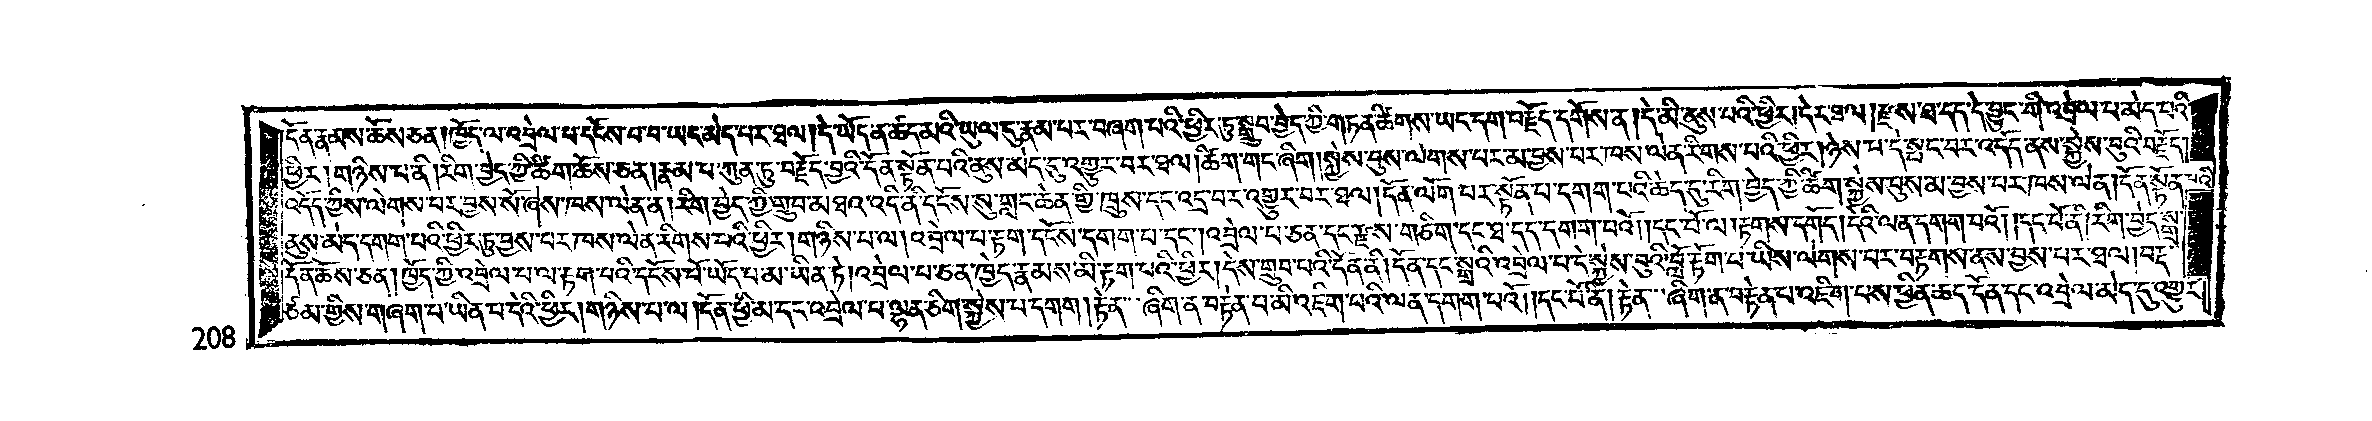དོན་རྣམས་ཆོས་ཅན། ཁྱོད་ལ་འབྲེལ་པ་དངོས་པོ་པ་ཡང་མེད་པར་ཐལ། དེ་ཡོད་ན་ཚད་མའི་ཡུལ་དུ་རྣམ་པར་བཞག་པའི་ཕྱིར་ཏུ་སྒྲུབ་བྱེད་ཀྱི་གཏན་ཚིགས་ཡང་དག་བརྗོད་དགོས་ན། དེ་མི་ནུས་པའི་ཕྱིར། དེར་ཐལ། རྫས་ཐ་དད་དེ་བྱུང་གི་འབྲེལ་པ་མེད་པའི་
ཕྱིར། གཉིས་པ་ནི། རིག་བྱེད་ཀྱི་ཚིག་ཆོས་ཅན། རྣམ་པ་ཀུན་ཏུ་བརྗོད་བྱའི་དོན་སྟོན་པའི་ནུས་མེད་དུ་འགྱུར་བར་ཐལ། ཚིག་གང་ཞིག །སྐྱེས་བུས་ལེགས་པར་མ་བྱས་པར་ཁས་ལེན་རིགས་པའི་ཕྱིར། ཉེས་པ་དེ་སྤང་བར་འདོད་ནས་སྐྱེས་བུའི་བརྗོད།
འདོད་ཀྱིས་ལེགས་པར་བྱས་སོ་ཞེས་ཁས་ལེན་ན། རིག་བྱེད་ཀྱི་གྲུབ་མཐའ་འདི་ནི་དངོས་སུ་གླང་ཆེན་གྱི་ཁྲུས་དང་འདྲ་བར་འགྱུར་བར་ཐལ། དོན་ལོག་པར་སྟོན་པ་དགག་པའི་ཆེད་དུ་རིག་བྱེད་ཀྱི་ཚིག་སྐྱེས་བུས་མ་བྱས་པར་ཁས་ལེན། དོན་སྟོན་པའི་
ནུས་མེད་དགག་པའི་ཕྱིར་ཏུ་བྱས་པར་ཁས་ལེན་རིགས་པའི་ཕྱིར། གཉིས་པ་ལ། འབྲེལ་པ་རྟག་དངོས་དགག་པ་དང་། འབྲེལ་པ་ཅན་དང་རྫས་གཅིག་དང་ཐ་དད་དགག་པའོ། །དང་པོ་ལ། རྟགས་དགོད། དེའི་ལན་དགག་པའོ། །དང་པོ་ནི། རིག་བྱེད་སྒྲ་
དོན་ཆོས་ཅན། ཁྱོད་ཀྱི་འབྲེལ་པ་ལ་རྟག་པའི་དངོས་པོ་ཡོད་པ་མ་ཡིན་ཏེ། འབྲེལ་པ་ཅན་ཁྱེད་རྣམས་མི་རྟག་པའི་ཕྱིར། དེས་གྲུབ་པའི་དོན་ནི། དོན་དང་སྒྲའི་འབྲེལ་པ་དེ་སྐྱེས་བུའི་བློ་རྟོག་པ་ཡིས་ལེགས་པར་བརྟགས་ནས་བྱས་པར་ཐལ། བརྡ་
ཙམ་གྱིས་གཞག་པ་ཡིན་པ་དེའི་ཕྱིར། གཉིས་པ་ལ། དོན་ཕྱི་མ་དང་འབྲེལ་པ་ལྷན་ཅིག་སྐྱེས་པ་དགག །རྟེན་ཞིག་ན་བརྟེན་པ་མི་འཇིག་པའི་ལན་དགག་པའོ། །དང་པོ་ནི། རྟེན་ཞིག་ན་བརྟེན་པ་འཇིག་པས་ཕྱིན་ཆད་དོན་དང་འབྲེལ་མེད་དུ་འགྱུར་